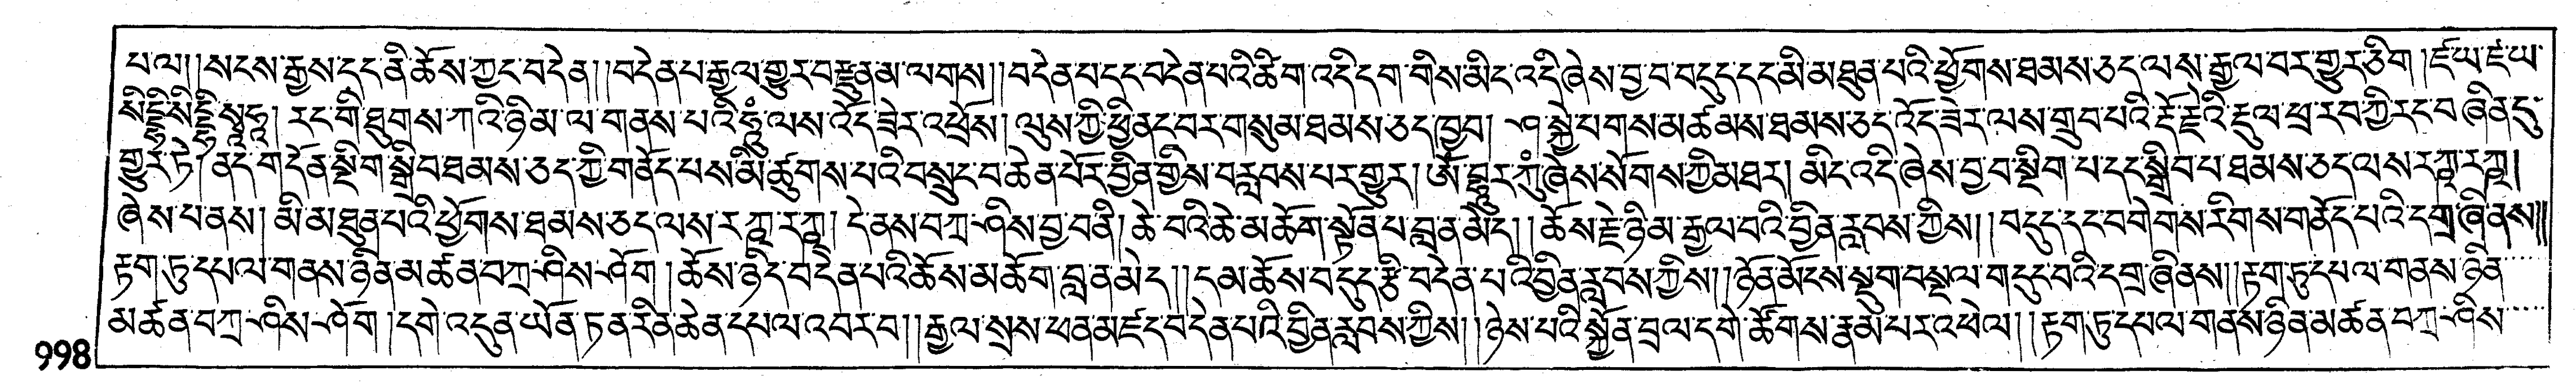པ་ལ། །སངས་རྒྱས་དང་ནི་ཆོས་ཀྱང་བདེན། །བདེན་པ་རྒྱལ་གྱུར་བརྫུན་མ་ལགས། །བདེན་པ་དང་བདེན་པའི་ཚིག་འདི་དག་གིས་མིང་འདི་ཞེས་བྱ་བ་བདུད་དང་མི་མཐུན་པའི་ཕྱོགས་ཐམས་ཅད་ལས་རྒྱལ་བར་གྱུར་ཅིག །ཛ་ཡ་ཛ་ཡ་
སིདྡྷི་སིདྡྷི་སྭཱཧཱ། རང་གི་ཐུགས་ཀའི་ཉི་མ་ལ་གནས་པའི་ཧཱུཾ་ལས་འོད་ཟེར་འཕྲོས། ལུས་ཀྱི་ཕྱི་ནང་བར་གསུམ་ཐམས་ཅད་ཁྱབ། ཤ་སྐྱེ་པགས་མཚམས་ཐམས་ཅད་འོད་ཟེར་ལས་གྲུབ་པའི་རྡོ་རྗེའི་རྡུལ་ཕྲ་རབ་ཀྱི་རང་བཞིན་དུ་
གྱུར་ཏེ། ནད་གདོན་སྡིག་སྒྲིབ་ཐམས་ཅད་ཀྱི་གནོད་པས་མི་ཚུགས་པའི་བསྲུང་བ་ཆེན་པོར་བྱིན་གྱིས་བརླབས་པར་གྱུར། ཨོཾ་བྷཱུར་ཀུཾ་ཞེས་སོགས་ཀྱི་མཐར། མིང་འདི་ཞེས་བྱ་བ་སྡིག་པ་དང་སྒྲིབ་པ་ཐམས་ཅད་ལས་རཀྵ་རཀྵ།
ཞེས་པ་ནས། མི་མཐུན་པའི་ཕྱོགས་ཐམས་ཅད་ལས་རཀྵ་རཀྵ། དེ་ནས་བཀྲ་ཤིས་བྱ་བ་ནི། ཆེ་བའི་ཆེ་མཆོག་སྟོན་པ་བླ་ན་མེད། །ཆོས་རྗེ་ཉི་མ་རྒྱལ་བའི་བྱིན་རླབས་ཀྱིས། །བདུད་དང་བགེགས་རིགས་གནོད་པའི་དགྲ་ཞི་ནས། །
རྟག་ཏུ་དཔལ་གནས་ཉིན་མཚན་བཀྲ་ཤིས་ཤོག །ཆོས་ཉིད་བདེན་པའི་ཆོས་མཆོག་བླ་ན་མེད། །དམ་ཆོས་བདུད་རྩི་བདེན་པའི་བྱིན་རླབས་ཀྱིས། །ཉོན་མོངས་སྡུག་བསྔལ་གདུང་བའི་དགྲ་ཞི་ནས། །རྟག་ཏུ་དཔལ་གནས་ཉིན་
མཚན་བཀྲ་ཤིས་ཤོག །དགེ་འདུན་ཡོན་ཏན་རིན་ཆེན་དཔལ་འབར་བ། །རྒྱལ་སྲས་ཕན་མཛད་བདེན་པའི་བྱིན་རླབས་ཀྱིས། །ཉེས་པའི་སྐྱོན་བྲལ་དགེ་ཚོགས་རྣམ་པར་འཕེལ། །རྟག་ཏུ་དཔལ་གནས་ཉིན་མཚན་བཀྲ་ཤིས་